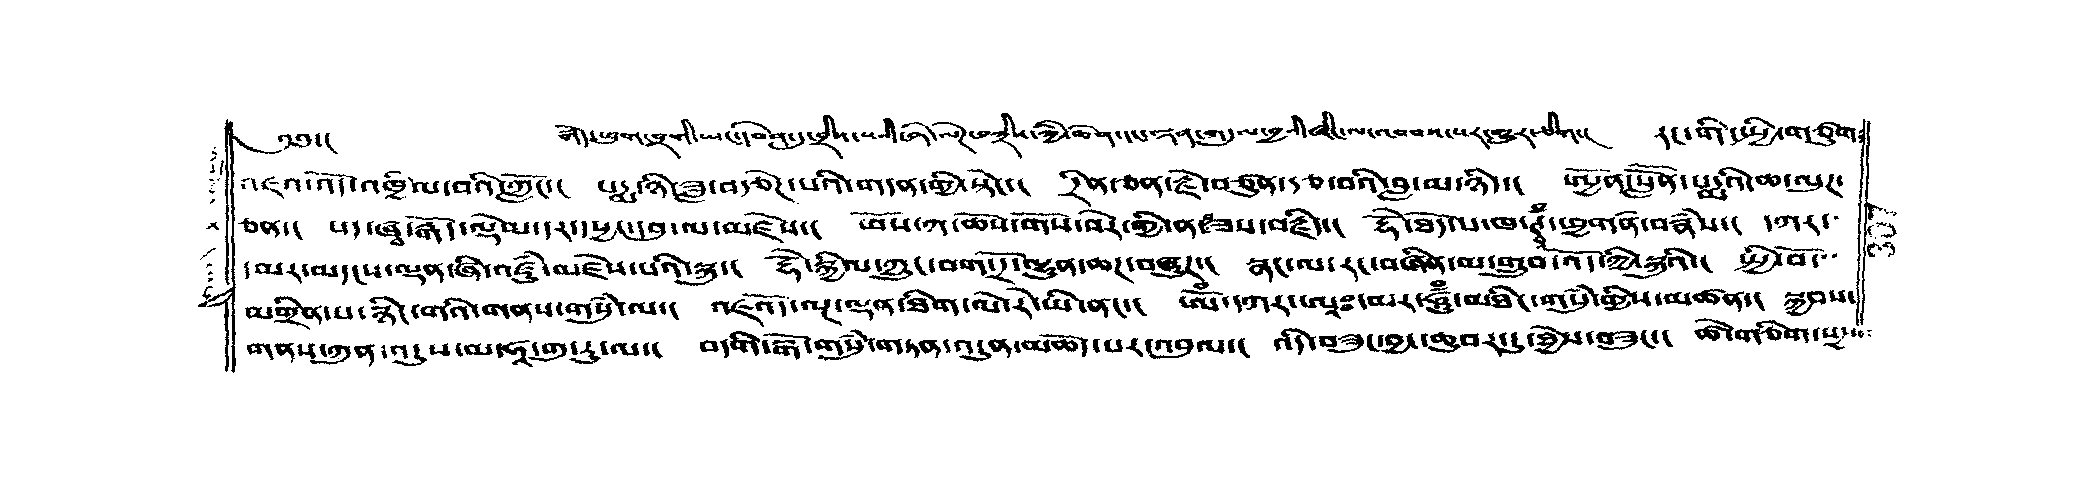སྒོད་ཕུག་བྲག་གི་ཡང་དབེན་དུ་བྲིས་པའི་དགེ་ལེགས་བཀྲ་ཤིས་ཀྱི་ཆར་ཆེན་དད་ལྡན་གདུལ་བྱའི་ཞིང་ལ་འབབ་པར་གྱུར་ཅིག།། རང་གི་སྤྱི་གཙུག་
འཇའ་འོད་འཁྱིལ་བའི་ཀློང་། །པདྨ་ཉི་ཟླ་བརྩེགས་པའི་གདན་གྱི་སྟེང་། །དྲིན་ཅན་རྗེ་བཙུན་རྩ་བའི་བླ་མ་ཉིད། །ཨོ་རྒྱན་སློབ་དཔོན་པདྨའི་ཆ་ལུགས་
ཅན། །པད་ཞྭ་རྒོད་ལྡེམ་དར་དཔྱངས་དབུ་ལ་མཛེས། །ཕོད་ཀ་ཆོས་གོས་བེར་གྱི་ན་བཟས་བརྗིད། །རྡོ་རྗེ་ཐོད་པ་ཁ་ཊྭྃ་ཕྱག་མཚན་བསྣམས། །དཀར་
དམར་མདངས་ལྡན་ཞི་འཛུམ་མཛེས་པའི་སྐུ། །རྡོ་རྗེ་སྐྱིལ་ཀྲུང་བག་དྲོ་ལྷུན་ཆགས་བཞུགས། །སྣང་ལ་རང་བཞིན་མ་གྲུབ་འོད་ཀྱི་སྐུའི། །སྤྱི་བོ་
མགྲིན་པ་སྙིང་གའི་གནས་གསུམ་ལ། །འཇའ་འོད་ལྔ་ལྡན་ཐིག་ལེ་རེ་ཡི་ནང་། །ཨོཾ་དཀར་ཨཱཿདམར་ཧཱུྃ་མཐིང་གསུམ་གྱིས་མཚན། །སྐྱབས་
གནས་ཀུན་འདུས་མ་ཧཱ་གུ་རུ་ལ། །བདག་གི་སྒོ་གསུམ་གཏན་འདུན་མཆོད་པར་འབུལ། །འདི་བཟུང་བྱང་ཆུབ་བར་དུ་ཐུགས་རྗེས་བཟུང་། །ཚེ་གཅིག་སངས་རྒྱས་